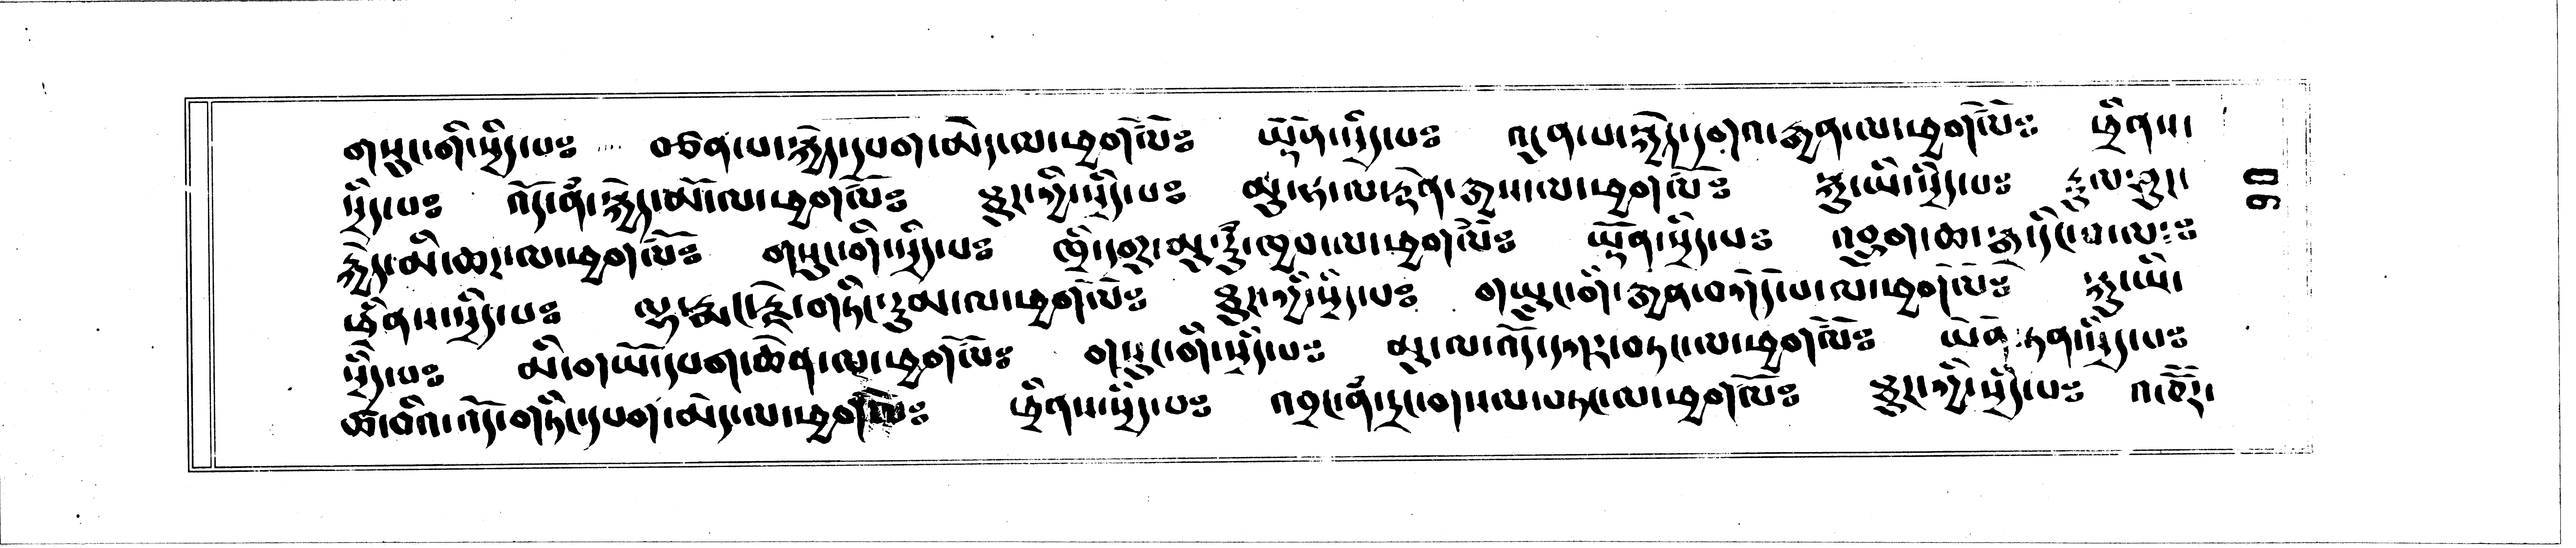གསུང་གི་སྲིད་པཿ བཙན་པ་སྐྱེད་དཔག་མེད་ལ་ཕྱག་འཚལ་ལོཿ ཡོན་ཏན་གྱི་སྲིད་པཿ འདུན་པ་སྐྱེད་དགའ་རྒྱན་ལ་ཕྱག་འཚལ་ལོཿ ཕྲིན་ལས་
ཀྱི་སྲིད་པཿ འོད་ནམ་སྐྱེད་མོ་ལ་ཕྱག་འཚལ་ལོཿ ཐུགས་ཀྱི་སྲིད་པཿ མུ་ཧ་ལ་རྟེན་རྒྱས་ལ་ཕྱག་འཚལ་ལོཿ སྐུ་ཡི་སྲིད་པཿ རྟུལ་ཤུགས་
སྐྱེད་མི་ཆགས་ལ་ཕྱག་འཚལ་ལོཿ གསུང་གི་སྲིད་པཿ ཁྲི་དགུ་མུ་རུམ་ཁྱབ་ལ་ཕྱག་འཚལ་ལོཿ ཡོན་ཏན་གྱི་སྲིད་པཿ འབྲུག་ཆ་སྒྲ་དིང་བ་ལ་ཕྱག་འཚལ་ལོཿ 
ཕྲིན་ལས་ཀྱི་སྲིད་པཿ ལྷ་རྨང་རྗེ་དིང་རུམ་ལ་ཕྱག་འཚལ་ལོཿ ཐུགས་ཀྱི་སྲིད་པཿ གཡུང་དྲུང་གི་རྒྱན་བཀོད་པ་ལ་ཕྱག་འཚལ་ལོཿ སྐུ་ཡི་
སྲིད་པཿ མི་གཡོ་དཔག་ཆེན་ལ་ཕྱག་འཚལ་ལོཿ གསུང་གི་སྲིད་པཿ མུ་ལ་འོད་དཀར་བཏང་ལ་ཕྱག་འཚལ་ལོཿ ཡོན་ཏན་གྱི་སྲིད་པཿ 
ཚ་བའི་འོད་གཏིང་དཔག་མེད་ལ་ཕྱག་འཚལ་ལོཿ ཕྲིན་ལས་ཀྱི་སྲིད་པཿ འབྲང་ནམ་དྲང་གསལ་བཏང་ལ་ཕྱག་འཚལ་ལོཿ ཐུགས་ཀྱི་སྲིད་པཿ འཁོར་ལོ་